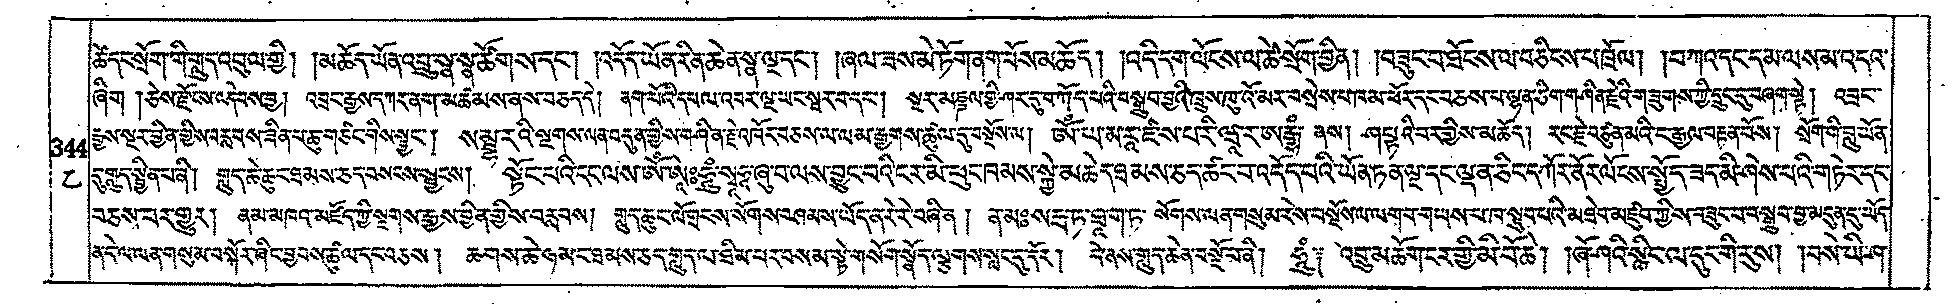ཚེ་དང་སྲོག་གི་གླུད་འབུལ་གྱི། །མཆོད་ཡོན་འབྲུ་སྣ་སྣ་ཚོགས་དང་། །འདོད་ཡོན་རིན་ཆེན་སྣ་ལྔ་དང་། །ཞལ་ཟས་མེ་ཏོག་ནག་པོས་མཆོད། །འདི་དག་ལོངས་ལ་ཚེ་སྲོག་བྱིན། །བཟུང་བ་ཐོངས་ལ་བཅིངས་པ་ཁྲོལ། །བཀའ་དང་དམ་ལས་མ་འདའ་
ཞིག །ཅེས་རྫོངས་འདེབས་བྱ། འབྲང་རྒྱས་དཀར་ནག་མཚམས་ནས་བཅད་དེ། ནག་པོའི་དཔལ་འབར་ལྔ་ཡང་སྦར་བ་དང་། སྔར་མཎྚལ་གྱི་ཤར་དུ་བཀོད་པའི་བསྒྲུབ་བྱའི་ཁྲུས་ཁུ་འོ་མར་བསྲེས་པ་ཁམ་ཕོར་དང་བཅས་པ་ལྷན་ཅིག་གཤིན་རྗེའི་གཟུགས་ཀྱི་དྲུང་དུ་བཞག་སྟེ། འབྲང་
རྒྱས་སྔར་བྱིན་གྱིས་བརླབས་ཟིན་པ་ཆུ་གཅིག་གིས་སྦྱང་། སམྦྷ་རའི་སྔགས་ལན་བདུན་གྱིས་གཤིན་རྗེ་འཁོར་བཅས་ལ་ལམ་རྒྱགས་ཚུལ་དུ་བསྔོས་ལ། ཨོཾ་ཡ་མ་རཱ་ཛ་ས་པ་རི་ཝཱ་ར་ཨརྒྷཾ་ནས། ཤཔྟའི་བར་གྱིས་མཆོད། རང་རྗེ་བཙུན་མའི་ང་རྒྱལ་བརྟན་པོས། སྲོག་གི་བླུ་ཡོན་
དུ་གླུད་སྦྱིན་པ་ནི། གླུད་ཆེ་ཆུང་ཐམས་ཅད་བསངས་སྦྱངས། སྟོང་པའི་ངང་ལས་ཨོཾ་ཨཱ་ཧཱུཾ་སྭཱ་ཧཱ་ཞུ་བ་ལས་བྱུང་བའི་ངར་མི་ཕུང་ཁམས་སྐྱེ་མཆེད་ཐམས་ཅད་ཚང་བ་འདོད་པའི་ཡོན་ཏན་ལྔ་དང་ལྡན་ཅིང་དཀོར་ནོར་ལོངས་སྤྱོད་ཟད་མི་ཤེས་པའི་གཏེར་དང་
བཅས་པར་གྱུར། ནམ་མཁའ་མཛོད་ཀྱི་སྔགས་རྒྱས་བྱིན་གྱིས་བརླབས། གླུད་ཆུང་ལོ་གྲངས་སོགས་བཤམས་ཡོད་ན་རེ་རེ་བཞིན།  ན་མཿ སརྦ་ཏ་ཐཱ་ག་ཏ་སོགས་ལན་གསུམ་རེས་བསྔོས་ལ་ལག་པ་གཡས་པ་ཁ་སྦུབ་པའི་མཐེབ་མཛུབ་ཀྱིས་བཟུང་བ་བསྒྲུབ་བྱ་མདུན་དུ་ཡོད་
ན་དེ་ལ་ལན་གསུམ་བསྐོར་ཞིང་བྱབས་ཚུལ་དང་བཅས། ཆགས་ཆེ་ཉམས་ང་ཐམས་ཅད་གླུད་ལ་ཐིམ་པར་བསམ་སྟེ་གསོག་སྣོད་ལྕགས་སླང་དུ་དོར། དེ་ནས་གླུད་ཆེན་བསྔོ་བོ་ནི། ཧཱུཾ༑ འབྲུ་མཆོག་ངར་གྱི་མི་བོ་ཆེ། །ཞོ་ཤའི་སྙིང་ལ་དུང་གི་རུས། །བསེ་ཡི་ཤ་